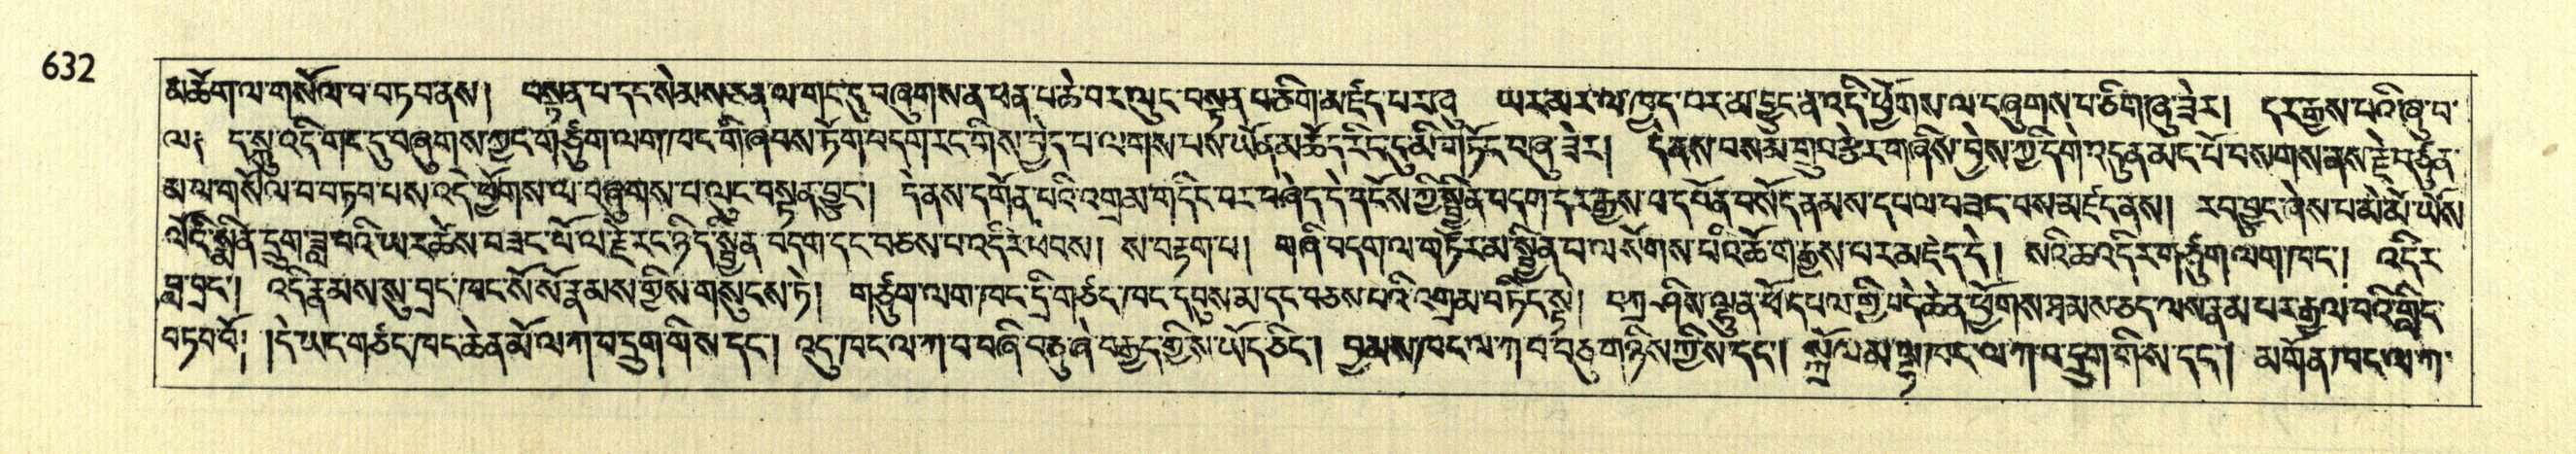མཆོག་ལ་གསོལ་བ་བཏབ་ནས། བསྟན་པ་དང་སེམས་ཅན་ལ་གང་དུ་བཞུགས་ན་ཕན་པ་ཆེ་བར་ལུང་བསྟན་པ་ཅིག་མཛད་པར་ཞུ་ཡར་མར་ལ་ཁྱད་པར་མ་བྱུང་ན་འདི་ཕྱོགས་ལ་བཞུགས་པ་ཅིག་ཞུ་ཟེར། དར་རྒྱས་པའི་ཞུ་བ་
ལ༑ ད་སྐུ་འདི་གང་དུ་བཞུགས་ཀྱང་གཙུག་ལག་ཁང་གི་ཞབས་ཏོག་བདག་རང་གིས་བྱེད་པ་ལགས་པས་ཡོན་མཆོད་རིང་དུ་མི་གཏོང་བཞུ་ཟེར། དེ་ནས་བསམ་གྲུབ་རྩེར་གཞིས་བྱེས་ཀྱི་དགེ་འདུན་མང་པོ་བསགས་ནས་རྗེ་བཙུན་
མ་ལ་གསོལ་བ་བཏབ་པས་འདི་ཕྱོགས་ལ་བཞུགས་པ་ལུང་བསྟན་བྱུང་། དེ་ནས་དགོན་པའི་འགྲམ་གདིང་བར་བཞེད་དེ་དངོས་ཀྱི་སྦྱིན་བདག་དར་རྒྱས་པ་དགོན་བསོད་ནམས་དཔལ་བཟང་བས་མཛད་ནས། རབ་བྱུང་ཞེས་པ་མེ་མོ་ཡོས་
ལོའི་སྨིན་དྲུག་ཟླ་བའི་ཡར་ཚེས་བཟང་པོ་ལ་རྗེ་རང་ཉིད་སྦྱིན་བདག་དང་བཅས་པ་འདིར་ཕེབས། ས་བརྟག་པ། གཞི་བདག་ལ་གཏོར་མ་སྦྱིན་པ་ལ་སོགས་པའི་ཆོ་ག་རྒྱས་པར་མཛད་དེ། སའི་ཆ་འདིར་གཙུག་ལག་ཁང་། འདིར་
བླ་བྲང་། འདི་རྣམས་སུ་བྲང་ཁང་སོ་སོ་རྣམས་གྱིས་གསུངས་ཏེ། གཙུག་ལག་ཁང་དྲི་གཙང་ཁང་དབུས་མ་དང་བཅས་པའི་འགྲམ་བཏིང་སྟེ། བཀྲ་ཤིས་ལྷུན་ཕོ་དཔལ་གྱི་བདེ་ཆེན་ཕྱོགས་ཐམས་ཅད་ལས་རྣམ་པར་རྒྱལ་བའི་གླིང་
བཏབ་བོ། །དེ་ཡང་གཙང་ཁང་ཆེན་མོ་ལ་ཀ་བ་དྲུག་གིས་དང་། འདུ་ཁང་ལ་ཀ་བ་བཞི་བཅུ་ཞེ་བརྒྱད་ཀྱིས་ཡོད་ཅིང་། བྱམས་ཁང་ལ་ཀ་བ་བཅུ་གཉིས་ཀྱིས་དང་། སྐྲོལ་མ་ལྷ་ཁང་ལ་ཀ་བ་དྲུག་གིས་དང་། མགོན་ཁང་ལ་ཀ་